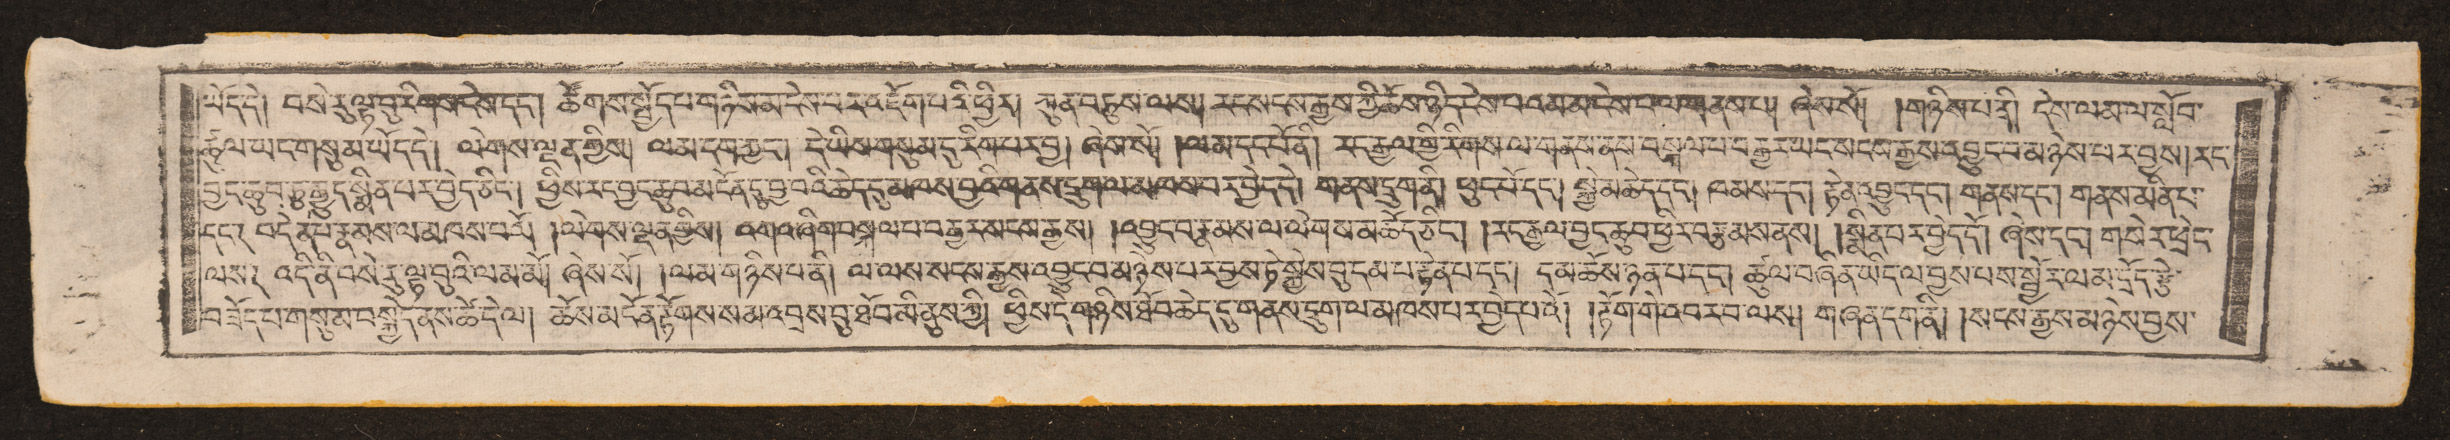ཡོད་དེ། བསེ་རུ་ལྟ་བུ་རིགས་ངེས་དང་། ཚོགས་སྤྱོད་པ་གཉིས་མ་ངེས་པར་འཇོག་པའི་ཕྱིར། ཀུན་བཏུས་ལས། རང་སངས་རྒྱས་ཀྱི་ཆོས་ཉིད་ངེས་པའམ་མ་ངེས་པ་ལ་གནས་པ། ཞེས་སོ། །གཉིས་པ་ནི། དེས་ལམ་ལ་སློབ་
ཚུལ་ཡང་གསུམ་ཡོད་དེ། ལེགས་ལྡན་གྱིས། ལམ་དག་ཀྱང་། དེ་ཡིས་གསུམ་དུ་རིག་པར་བྱ། ཞེས་སོ། །ལམ་དང་པོ་ནི། རང་རྒྱལ་གྱི་རིགས་ལ་གནས་ནས་བསྐལ་པ་བརྒྱར་ཡང་སངས་རྒྱས་འབྱུང་བ་མཉེས་པར་བྱས། རང་
བྱང་ཆུབ་ཏུ་རྒྱུད་སྨིན་པར་བྱེད་ཅིང་། ཕྱིས་རང་བྱང་ཆུབ་མངོན་དུ་བྱ་བའི་ཆེད་དུ་མཁས་བྱའི་གནས་དྲུག་ལ་མཁས་པར་བྱེད་དེ། གནས་དྲུག་ནི། ཕུང་པོ་དང་། སྐྱེ་མཆེད་དང་། ཁམས་དང་། རྟེན་འབྱུང་དང་། གནས་དང་། གནས་མིན་པ་
དང༑ བདེན་པ་རྣམས་ལ་མཁས་པའོ། །ལེགས་ལྡན་གྱིས། འགའ་ཞིག་བསྐལ་བ་བརྒྱར་སངས་རྒྱས། །འབྱུང་བ་རྣམས་ལ་ལེགས་མཆོད་ཅིང་། །རང་རྒྱལ་བྱང་ཆུབ་ཕྱིར་བརྩམས་ནས། །སྨིན་པར་བྱེད་དོ། ཞེས་དང་། གསེར་ཕྲེང་
ལས༑ འདི་ནི་བསེ་རུ་ལྟ་བུའི་ལམ་མོ། ཞེས་སོ། །ལམ་གཉིས་པ་ནི། ལ་ལས་སངས་རྒྱས་འབྱུང་བ་མཉེས་པར་བྱས་ཏེ་སྐྱེས་བུ་དམ་པ་རྟེན་པ་དང་། དམ་ཆོས་ཉན་པ་དང་། ཚུལ་བཞིན་ཡིད་ལ་བྱས་པས་སྦྱོར་ལ་མ་དྲོད་རྩེ་
བཟོད་པ་གསུམ་བསྐྱེད་ནས་ཚེ་དེ་ལ། ཆོས་མངོན་རྟོགས་སམ་འབྲས་བུ་ཐོབ་མི་ནུས་ཀྱི། ཕྱིས་དེ་གཉིས་ཐོབ་ཆེད་དུ་གནས་དྲུག་ལ་མཁས་པར་བྱེད་པའོ། །རྟོག་གེ་འབར་བ་ལས། གཞན་དག་ནི། །སངས་རྒྱས་མཉེས་བྱས་